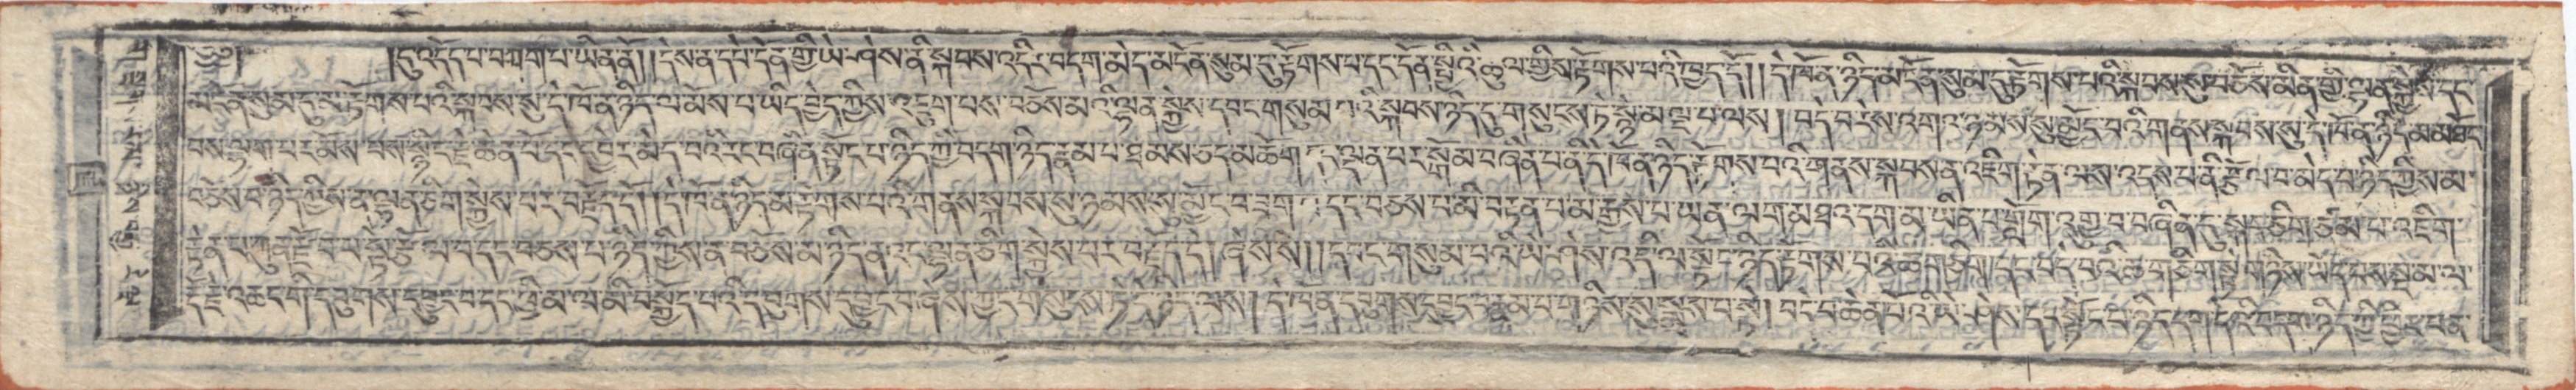༄༅། །དུ་འདོད་པ་བཀག་པ་ཡིན་ནོ། །དེས་ན་དཔེ་དོན་གྱི་ཡེ་ཤེས་ནི་སྐབས་འདིར་བདག་མེད་མངོན་སུམ་དུ་རྟོགས་པ་དང་དོན་སྤྱིའི་ཚུལ་གྱིས་རྟོགས་པའི་ཁྱད་དོ། །དེ་ཁོ་ན་ཉིད་མངོན་སུམ་དུ་རྟོགས་པའི་སྐབས་སུ་བཅོས་མིན་གྱི་ལྷན་སྐྱེས་དང་
མངོན་སུམ་དུ་མ་རྟོགས་པའི་སྐབས་སུ་དེ་ཁོ་ན་ཉིད་ལ་མོས་པ་ཡིད་བྱེད་ཀྱིས་འཇུག་པས་བཅོས་མའི་ལྷན་སྐྱེས་དབང་གསུམ་པའི་སྐབས་ཉིད་དུ་གསུངས་ཏེ་སྙེ་མ་ལྔ་པ་ལས། བདེ་བ་རེས་འགའ་ཉམས་སུ་མྱོང་བའི་གནས་སྐབས་སུ་དེ་ཁོ་ན་ཉིད་མ་མཐོང་
བས་ལྷག་པར་མོས་པས་སྙིང་རྗེ་ཆེན་པོ་དང་དབྱེར་མེད་པའི་རང་བཞིན་སྟོང་པ་ཉིད་ཀྱི་བདག་ཉིད་རྣམ་པ་ཐམས་ཅད་མཆོག་དང་ལྡན་པར་སྒོམ་བཞིན་པ་ནི་དེ་ཁོ་ན་ཉིད་རྟོགས་པའི་གནས་སྐབས་ན་འཇིག་རྟེན་ལས་འདས་པ་ནི་རྩོལ་བ་མེད་པ་ཉིད་ཀྱིས་མ་
བཅོས་པ་ཉིད་ཀྱིས་ན་ལྷན་ཅིག་སྐྱེས་པར་བརྗོད་དོ། །དེ་ཁོ་ན་ཉིད་མ་རྟོགས་པའི་གནས་སྐབས་སུ་ཉམས་སུ་མྱོང་བ་ཟག་པ་དང་བཅས་པ་མི་བརྟན་པ་མ་རྒྱས་པ་ཡན་ལག་མཐའ་དག་མ་ཡིན་པ་གློག་འགྱུ་བ་བཞིན་དུ་སྐད་ཅིག་ཙམ་པ་འཇིག་
རྟེན་པ་ཀུན་རྫོབ་པ་སྟེ་རྩོལ་བ་དང་བཅས་པ་ཉིད་ཀྱིས་ན་བཅོས་མ་ཉིད་ནའང་ལྷན་ཅིག་སྐྱེས་པར་བརྗོད་དེ། ཞེས་སོ། །དབང་གསུམ་པའི་ཡེ་ཤེས་འདི་ལ་སྟོང་ཉིད་རྟོག་སྤའི་ཆ་གཅིག་དང་བདེ་བའི་ཆ་གཅིག་སྟེ་གཉིས་ཡོད་པས་སྔ་མ་ལ་
རྡོ་རྗེ་འཆང་གི་དབུགས་དབྱུང་བ་དང་ཕྱི་མ་ལ་མི་བསྐྱོད་པའི་དབུགས་དབྱུང་བ་ཞེས་ཀྱང་གསུངས་ཏེ་དེ་ཉིད་ལས། དེ་ཁོ་ན་དབུགས་དབྱུང་བ་རྣམ་པ་གཉིས་སུ་སྨྲས་པ་སྟེ། བདེ་བ་ཆེན་པོའི་ཡེ་ཤེས་དང་སྟོང་པ་ཉིད་དག་དེའི་བདག་ཉིད་ཀྱི་ཕྱིར་ཕན་